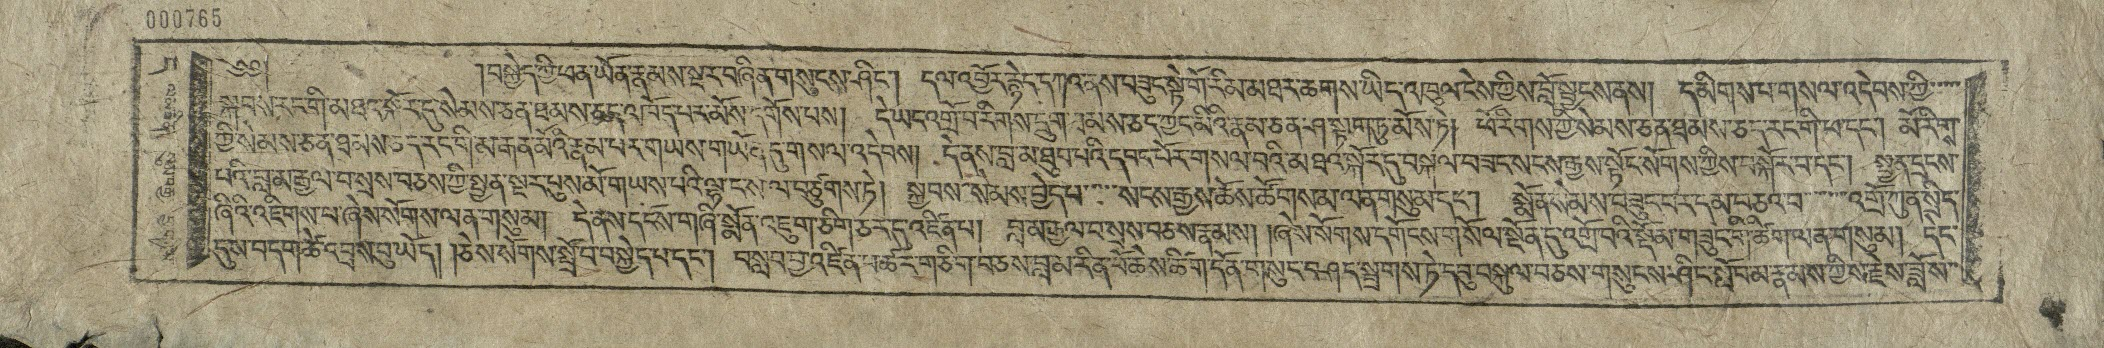༄༅། །བསྐྱེད་ཀྱི་ཕན་ཡོན་རྣམས་སྔར་བཞིན་གསུངས་ཤིང་། དལ་འབྱོར་རྙེད་དཀའ་ནས་བཟུང་སྟེ་གོ་རིམ་མཐར་ཆགས་ཡིད་འཁུལ་ངེས་ཀྱིས་བློ་སྦྱངས་ནས། དམིགས་པ་གསལ་འདེབས་ཀྱི་
སྐབས་རང་གི་མཐའ་སྐོར་དུ་སེམས་ཅན་ཐམས་ཅད་འཁོད་པར་མོས་དགོས་པས། དེ་ཡང་འགྲོ་བ་རིགས་དྲུག་ཐམས་ཅད་ཀྱང་མིའི་རྣམ་ཅན་ཤ་སྟག་ཏུ་མོས་ཏེ། ཕོ་རིགས་ཀྱི་སེམས་ཅན་ཐམས་ཅད་རང་གི་ཕ་དང་། མོ་རིགས་
ཀྱི་སེམས་ཅན་ཐམས་ཅད་རང་གི་མ་རྒན་མོའི་རྣམ་པར་གཡས་གཡོན་དུ་གསལ་འདེབས། དེ་ནས་བླ་མ་ཐུབ་པའི་དབང་པོར་གསལ་བའི་མཐའ་སྐོར་དུ་བསྐལ་བཟང་སངས་རྒྱས་སྟོང་སོགས་ཀྱིས་བསྐོར་བ་དང་། སྤྱན་དྲངས་
པའི་བླ་མ་རྒྱལ་བ་སྲས་བཅས་ཀྱི་སྤྱན་སྔར་པུས་མོ་གཡས་པའི་ལྷ་ང་ས་ལ་བཙུགས་ཏེ། སྐྱབས་སེམས་བྱེད་པ་སངས་རྒྱས་ཆོས་ཚོགས་མ་ལན་གསུམ་དང་། སྨོན་སེམས་བཟུང་བར་དམ་བཅའ་བ་འགྲོ་ཀུན་སྲིད་
ཞིའི་འཇིགས་པ་ཞེས་སོགས་ལན་གསུམ། དེ་ནས་དངོས་གཞི་སྨོན་འཇུག་ཅིག་ཅར་དུ་འཛིན་པ། བླ་མ་རྒྱལ་བ་སྲས་བཅས་རྣམས། །ཞེས་སོགས་དགོངས་གསོལ་སྔོན་དུ་འགྲོ་བའི་སྡོམ་གཟུང་གི་ཚིག་ལན་གསུམ། དེང་
དུས་བདག་ཚེ་འབྲས་བུ་ཡོད། །ཅེས་སོགས་སྤྲོ་བ་བསྐྱེད་པ་དང་། བསླབ་བྱ་འཛིན་པ་ཚར་གཅིག་བཅས་བླ་མ་རིན་པོ་ཆེས་ཚིག་དོན་གསུང་བཤད་སྦྲགས་ཏེ་དབུ་བསྐུལ་བཅས་གསུངས་ཤིང་སློབ་མ་རྣམས་ཀྱིས་རྗེས་ཟློས་